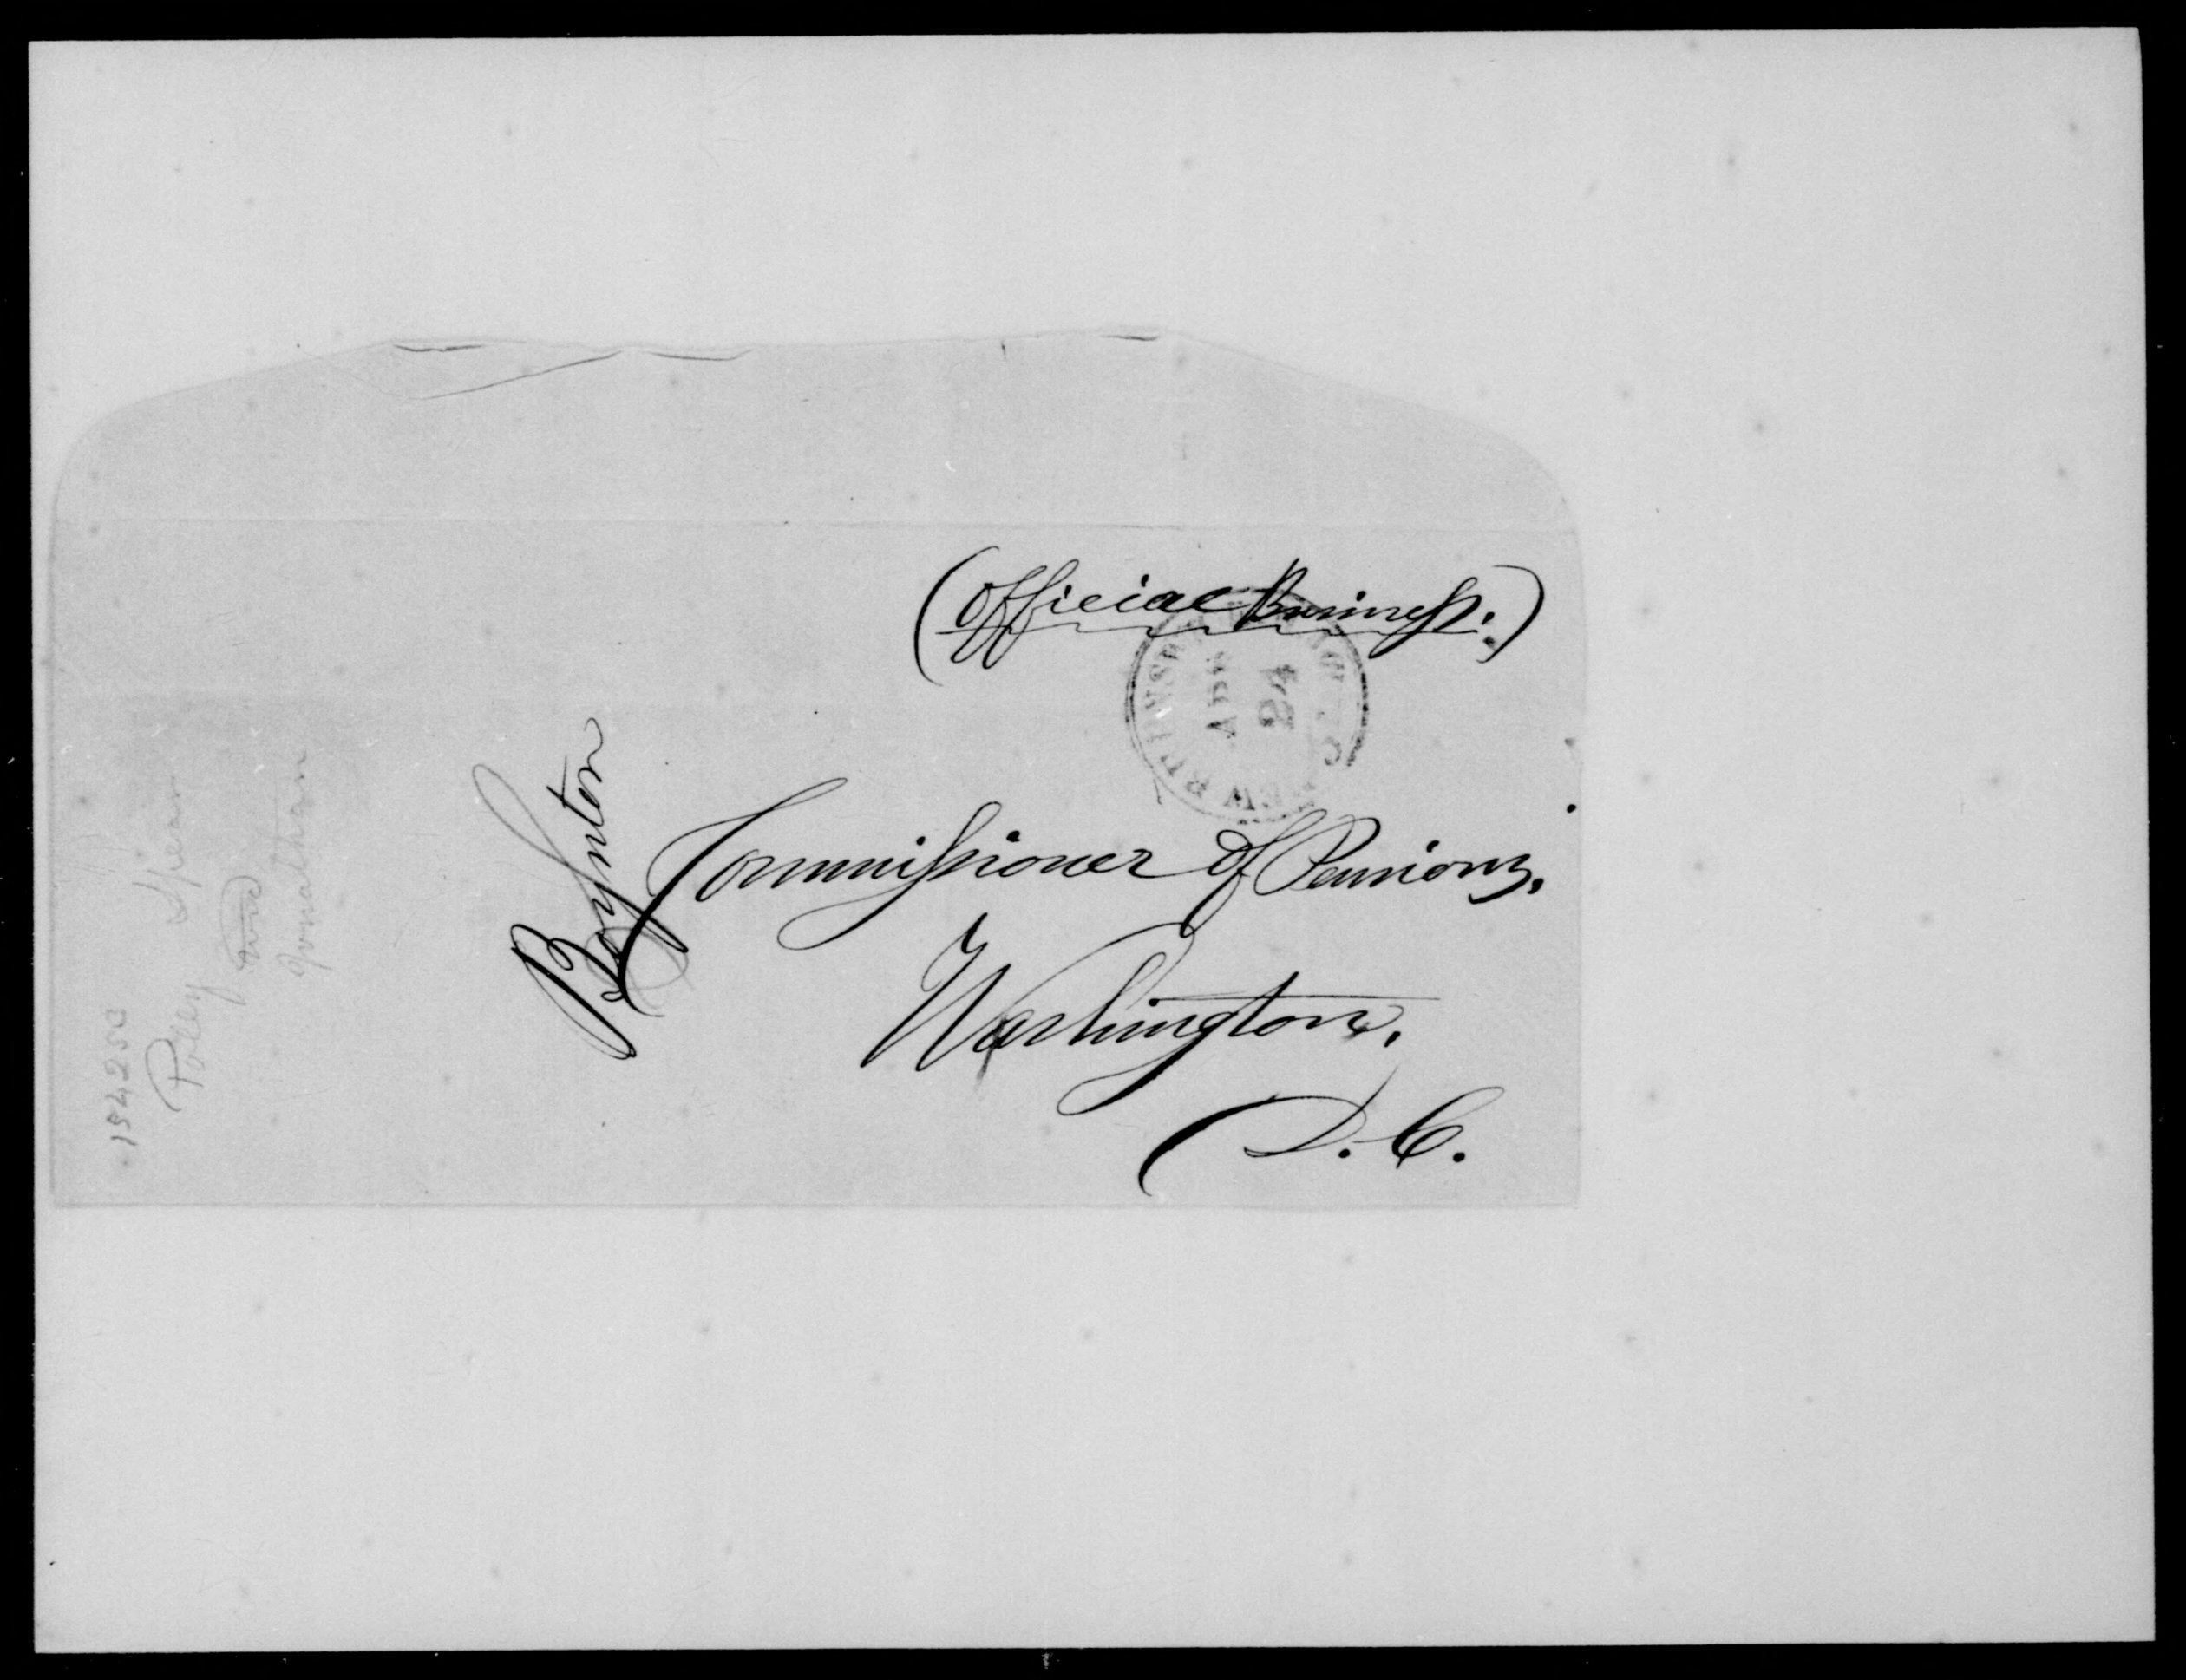134250
Polly Spear
wid
Jonathan
Boynton
(official business)
Commissioner of pensions
Washington D.C.
New Brunswick APR 24 [ ]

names: Polly Spear; [BLANK] Boynton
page: 26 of 65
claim: widow's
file: W. 7197, for Jonathan Spear, Vermont